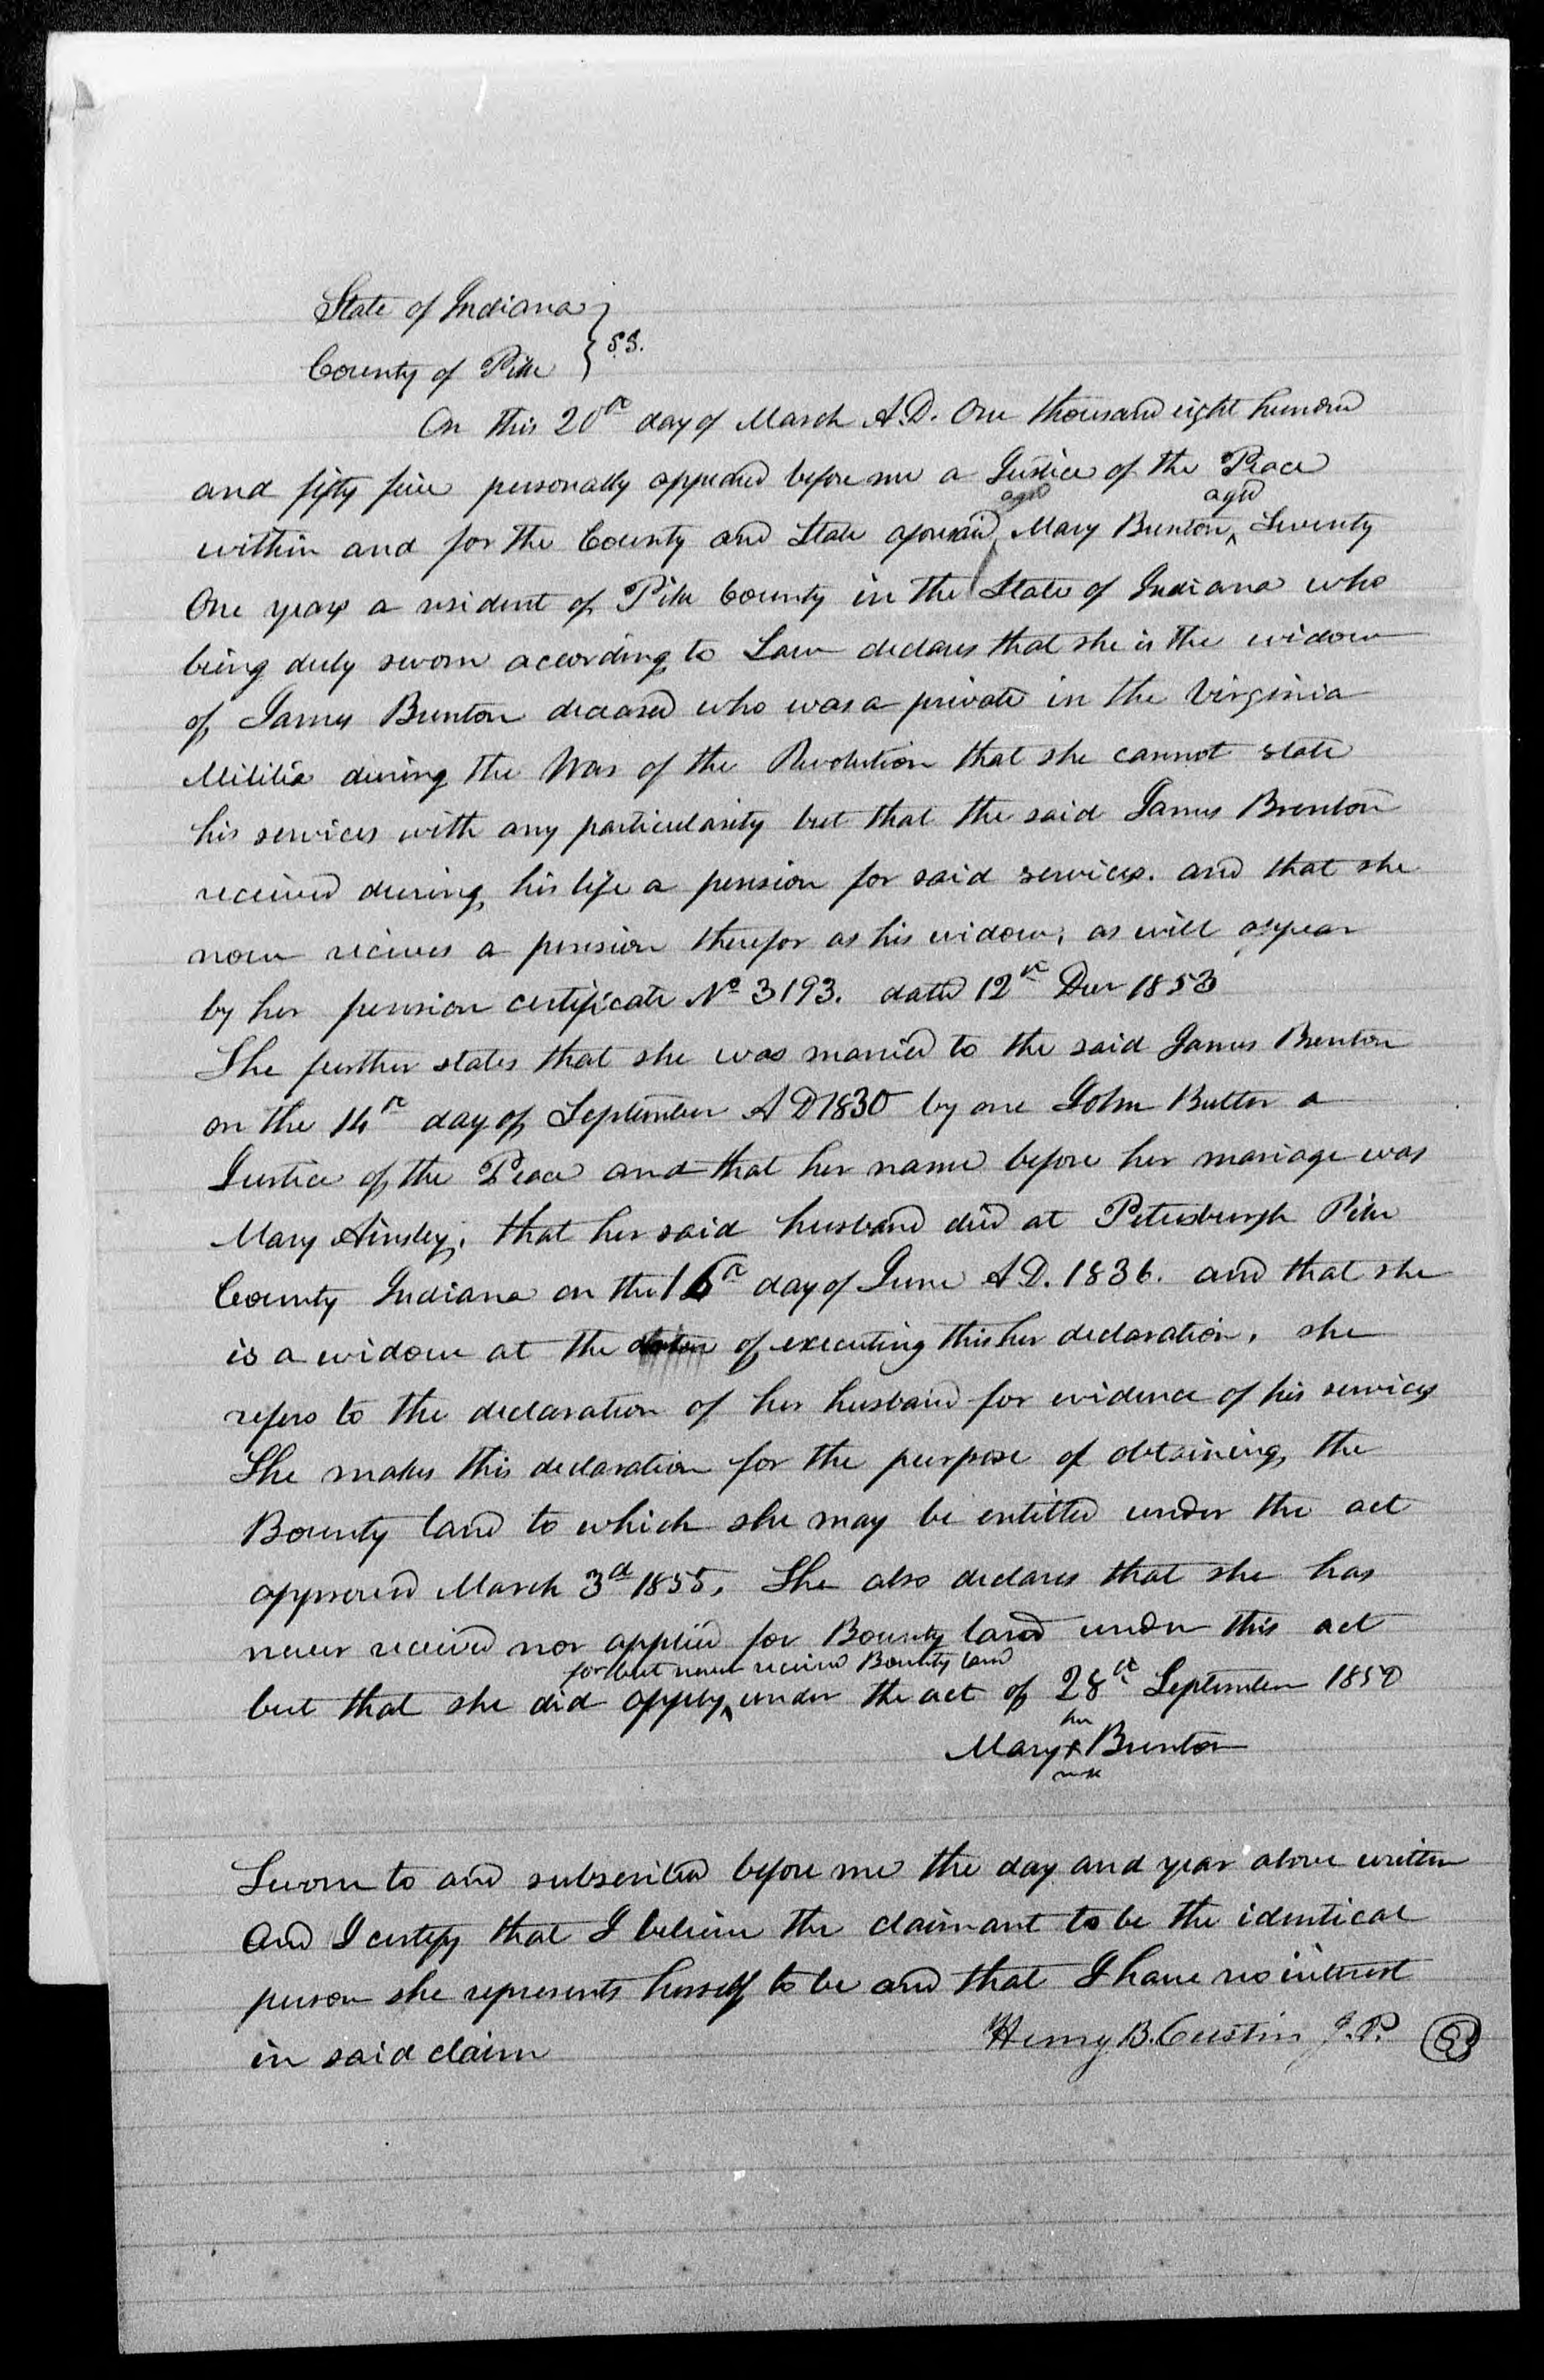State of Indiana 
County of Pike} ss
On this 20th day of March A.D. one thousand eight hundred and fifty five personally appeared before me a Justice of the Peace within and for the County and State aforesaid Mary Brenton twenty one years a resident of Pike County in the State of Indiana who being duly sworn according to law declares that she is the widow of James Brenton deceased who was a private in the Virginia militia during the War of the Revolution, that she cannot state his services with any particularity but that the said James Brenton received during his life a pension for said services, and that she now receives a pension therefor as his widow as will appear by her pension certificate No. 3193, dated 12th Dec 1853. She further states that she was married to the said James Brenton on the 14th day of September AD 1830 by one John Butler a Justice of the Peace and that her name before her marriage was Mary Ainsley; that her said husband died at Peterburg Pike County Indiana on the 16th day of June AD 1836 and that she is a widow at the time of executing this her declaration. She refers to the declaration of her husband for evidence of his services. She makes this declaration for the purpose of obtaining the Bounty land to which she may be entitled under the act passed March 3rd 1855. She also declares that she has never received nor applied for Bounty Land under this act but that she did apply for but never received Bounty Land under the act of 28th September 1850. Mary [her mark] Brenton
Sworn to and subscribed before me the day and year above written and I certify that I believe the claimant to be the identical person she represents herself to be and that I have no interest in said claim   Henry B. Custin J. P.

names: James Brenton, Henry B Custin, John Butler, James Brenton, James Brenton, Mary Brenton, Mary Ainsley, Mary Brenton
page: 12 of 49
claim: widow's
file: W. 2518, James Brenton, Va.